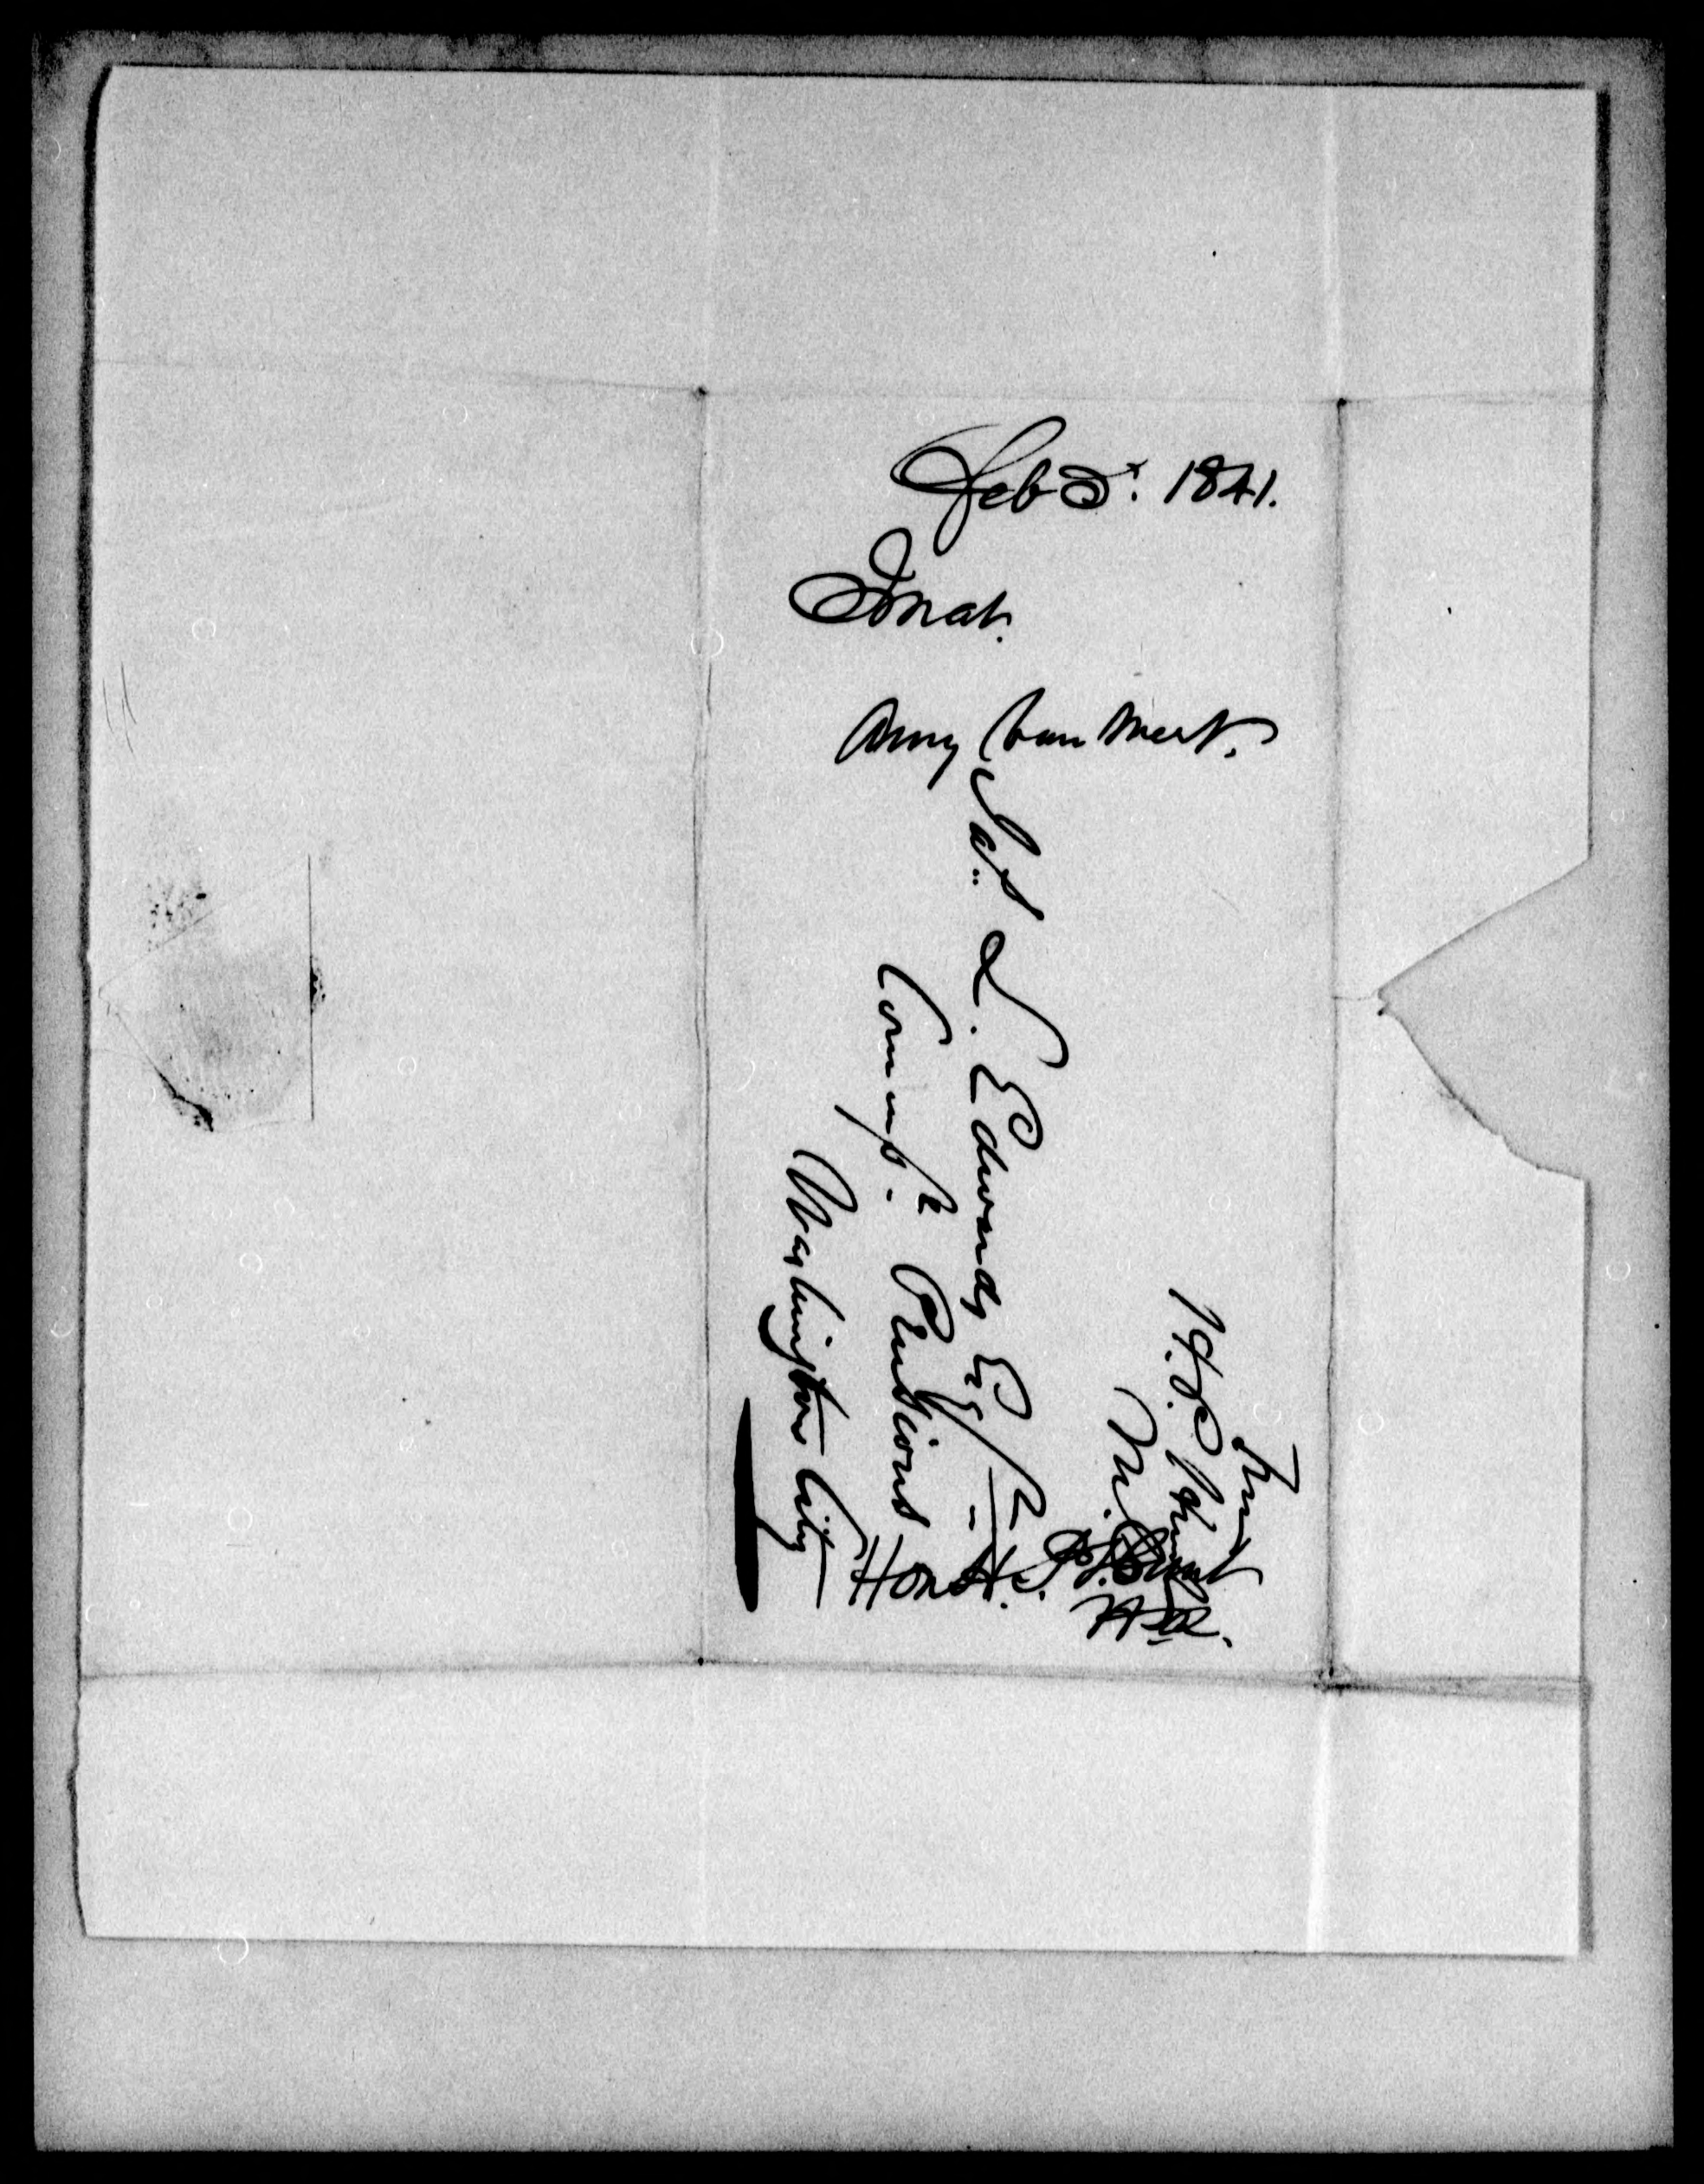Feb 8[?] 1841
Jonah [Jurat?]
Amy Van Wart

Hon, H. P. Hunt
H,R,

From H.P. Hunt
M.C.

Jas. L. Edwards Esq
Commssr Pensions
Washington City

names: Amy Van Wert, H P Hunt, H P Hunt, Jas L Edwards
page: 58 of 102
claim: widow's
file: W. 18239, Isaac Van Wart, New York